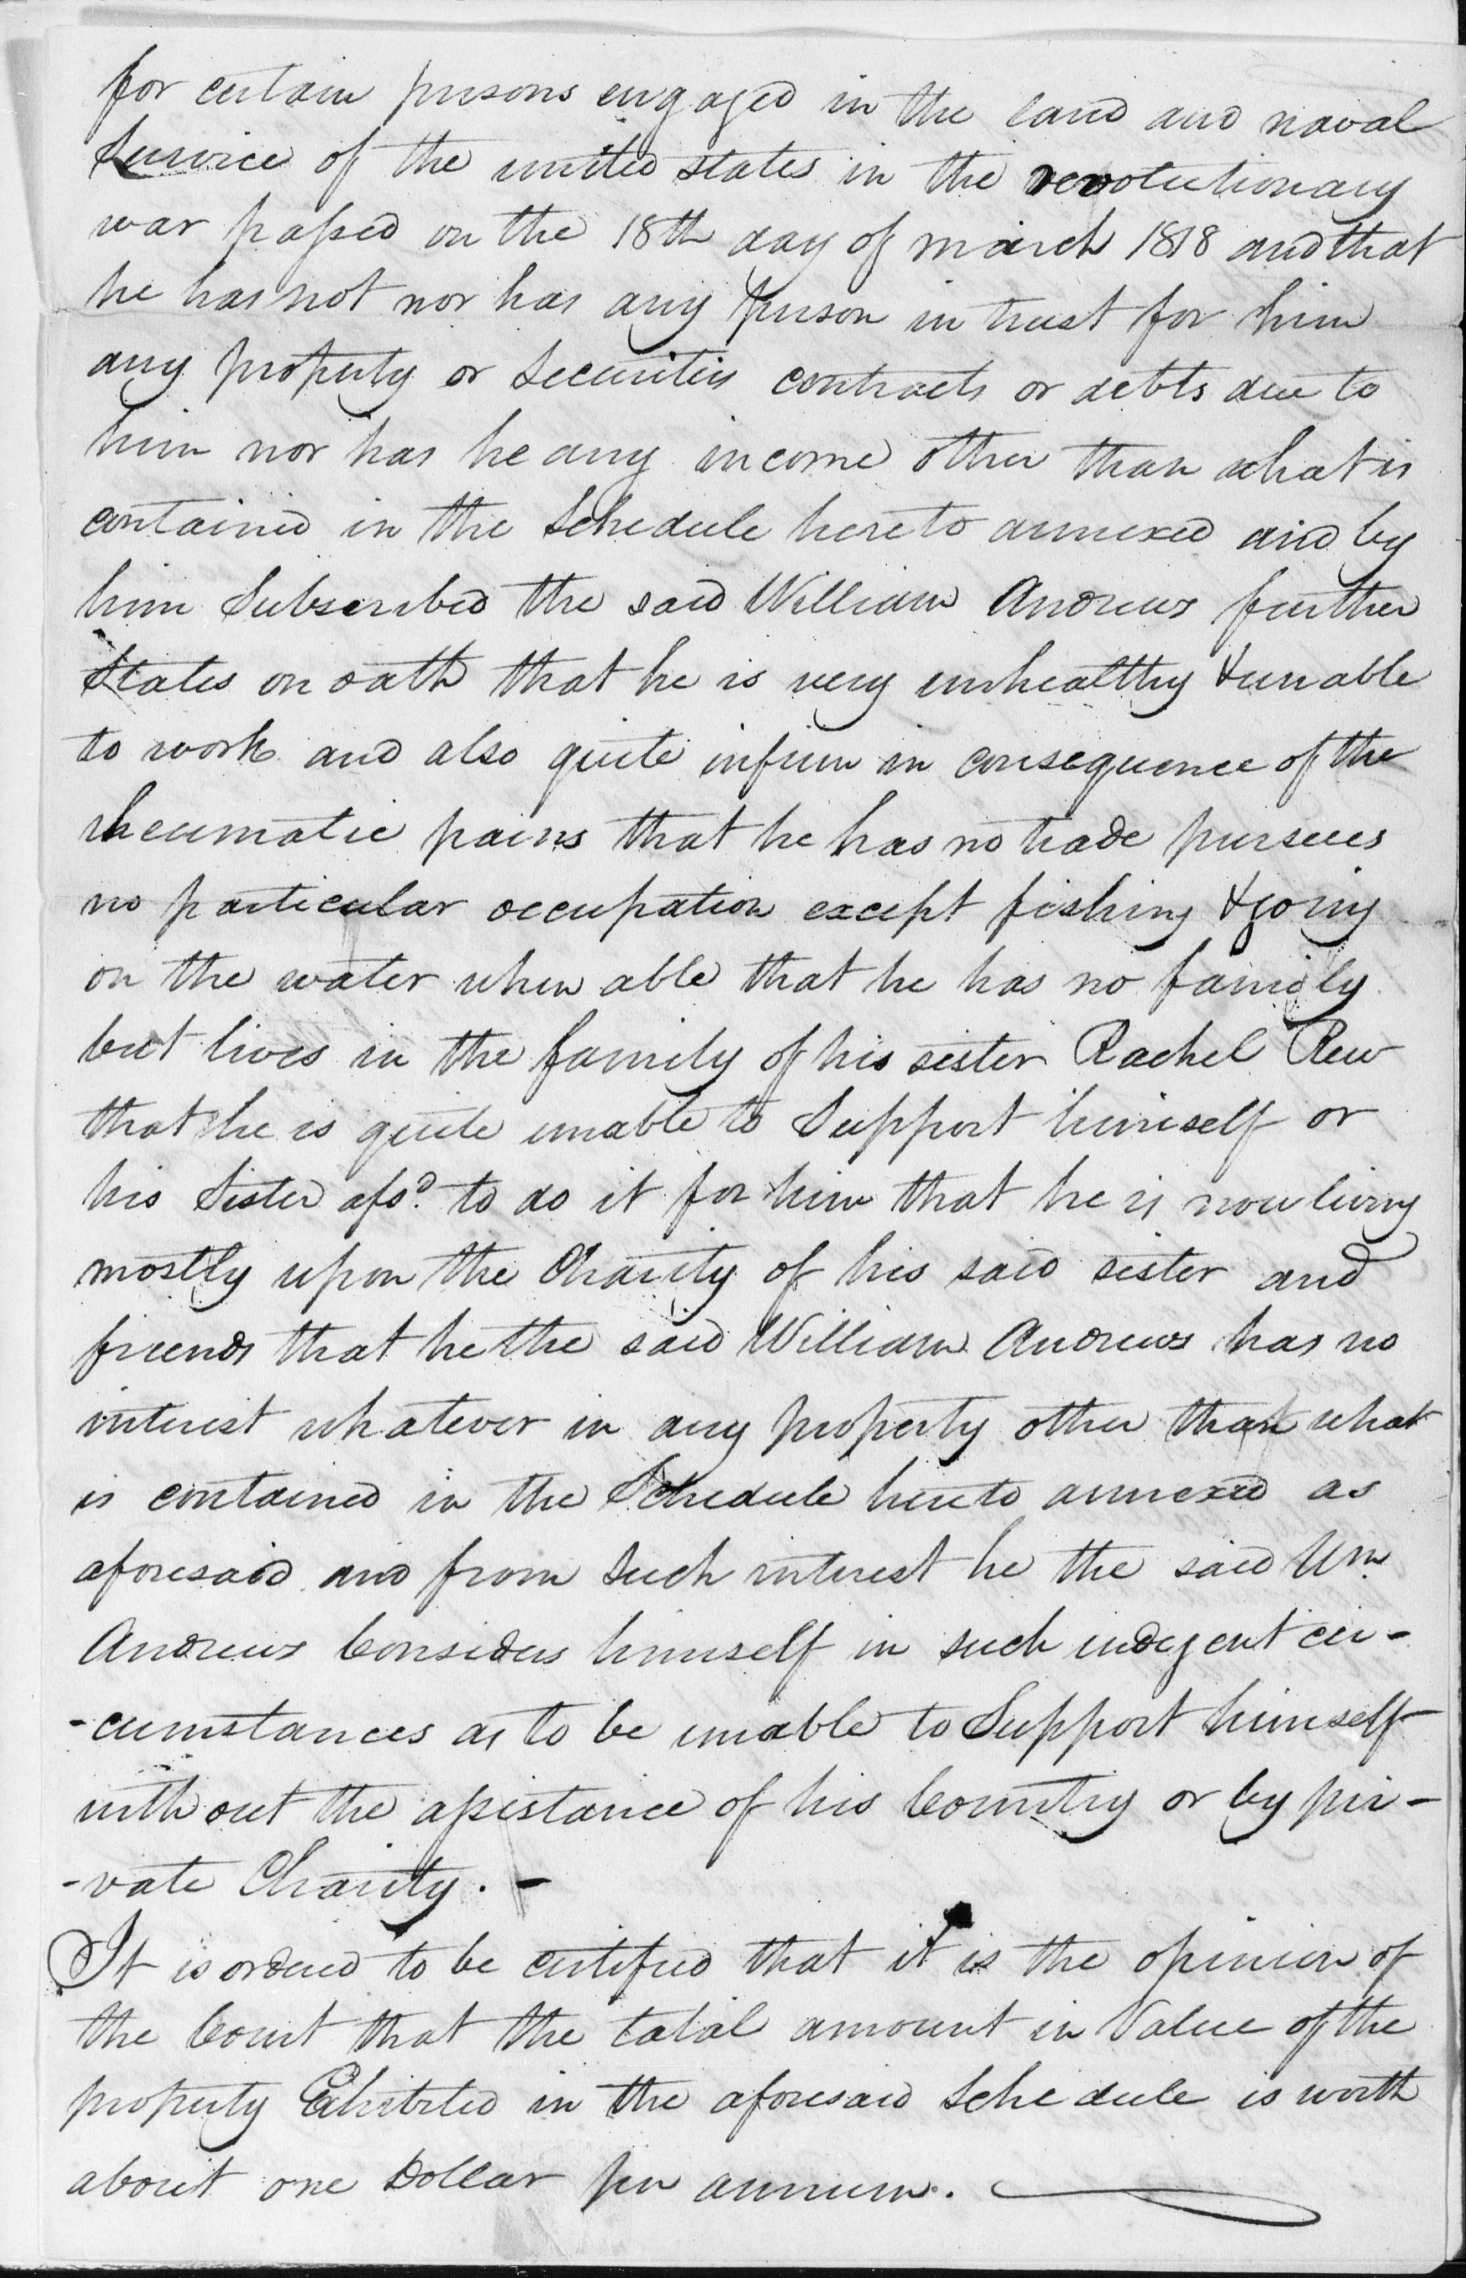for certain persons engaged in the Land and Naval Service of the United States in the Revolutionary war papered on the 18th day of March 1818 and that he has not nor has any person in trust for him any property or securities contract, or debts due to him nor has he any income other than what is contained in the Schedule hereto annexed and by him Subscribed the said William Andrews further States on oath that he is very unhealthy and unable to work and also quite infirm in consequence of the skematie pains that he has no trade pursuits nor particular occupation except fishing and going on the water when able that he has no family but lives in the family of his sister Rachel Rew that he is quite unable to support himself or his sister aforementioned to do it for him that he is now living mostly upon the charity of his said sister and friend, that he the said William Andrews has no interest whatsoever in any property other than what is contained in the Schedule hereto annexed as aforesaid and from such interest he the said Mr. Andrews considers himself in such indigent circumstances as to be unable to support himself without assistance of his County or by private Charity.
It is ordered to be certified that it is the opinion of the Court that the total amount in value of the property listed in the aforesaid Schedule is worth about one dollar per annum.
-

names: William Andrews, Rachel Rew, William Andrews, Wm Andrews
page: 5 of 6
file: [BLANK], William Andrews, Va. Sea Service